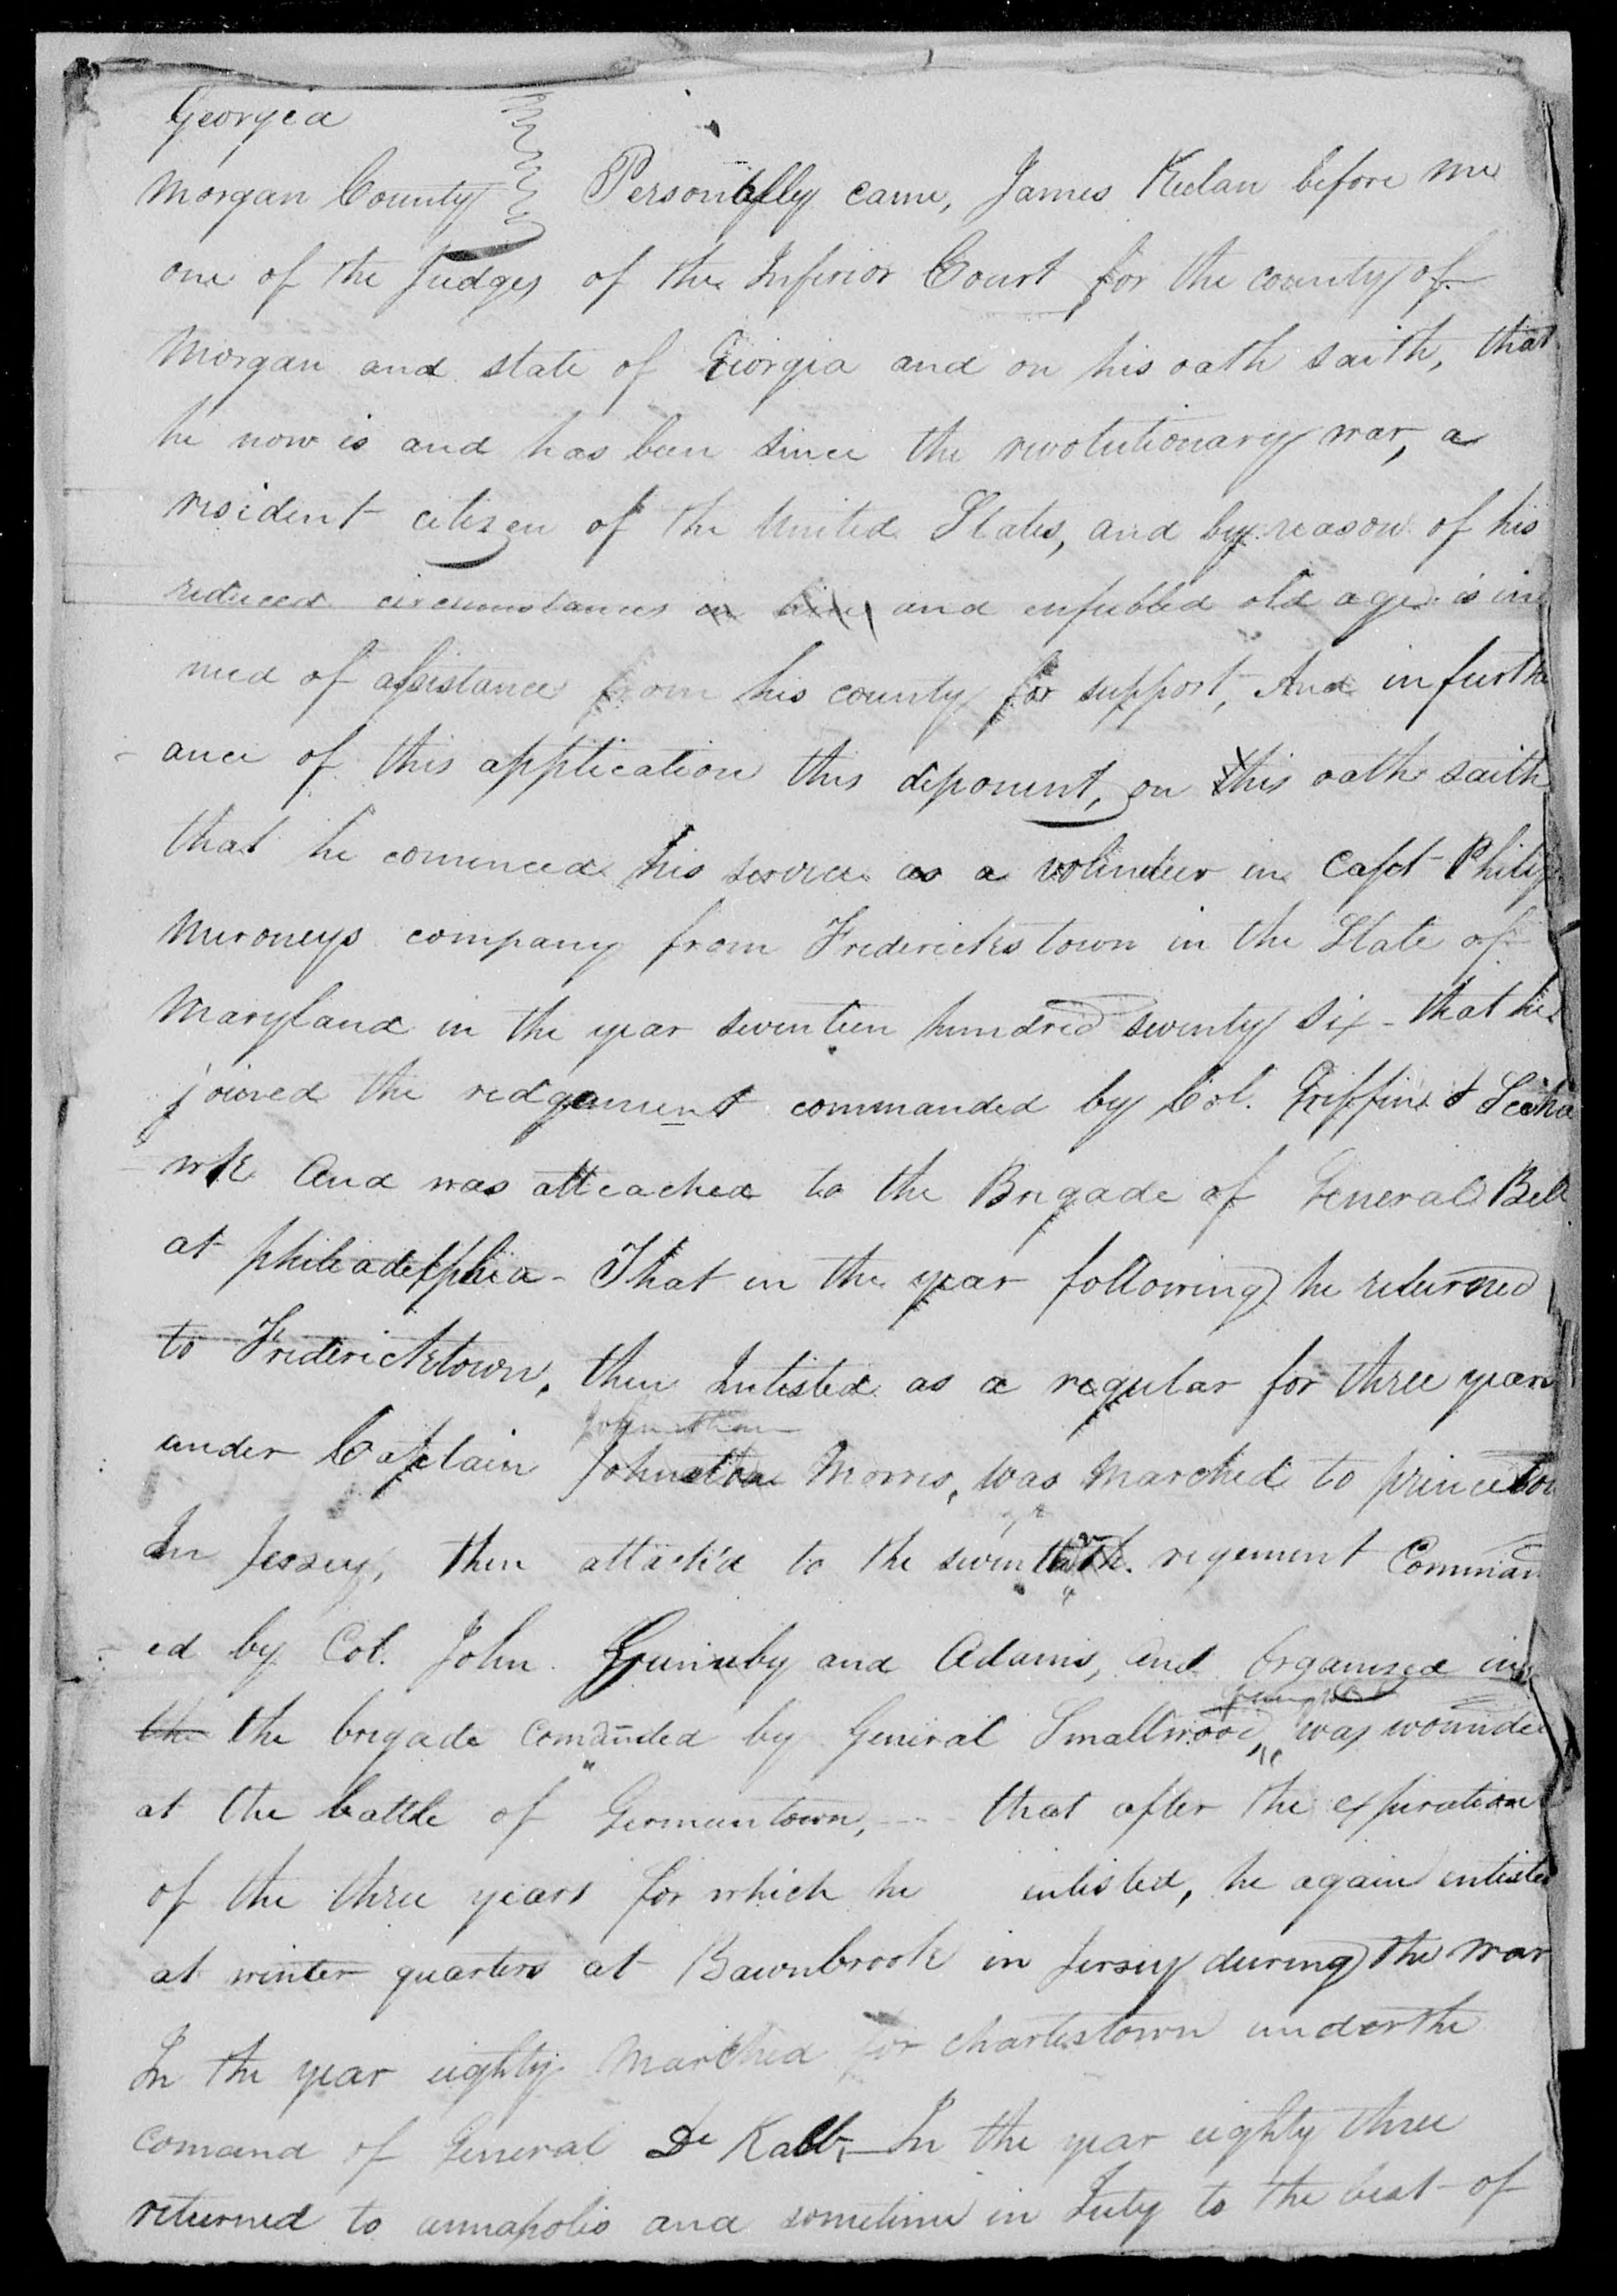Georgia 
Morgan County

Personally came, James Keclan [?] before me one of the Judges of the Superior Court for the county of Morgan and State of Georgia and on his oath saith, that he now is and has been since the Revolutionary War, a resident citizen of the United States, and by reason of his reduced circumstances and [illegible] old age, is in need of assistance from his country for support. And in furtherance of this application this deponent, on this oath saith that he commenced his service as a volunteer in [illegible]-Philip Murrays company from Frederickstown in the State of Maryland in the year seventeen hundred seventy six, that he joined the regiment [?] commanded by [illegible] Col. Griffins & [illegible]. And was attached [?] to the Brigade of General Bell [?] at Philadelphia. That in the year following he returned to Frederickstown, then [illegible] as a regular for three years under Captain Jonathan Morris, was marched to Princeton in Jersey, then attached to the seventh regiment commanded by Col. John [illegible] and Adams, and organized in the brigade commanded by General Smallwood [?] was wounded at the battle of Germantown [?], that after the expiration of the three years for which he enlisted, he again enlisted at winter quarters at [illegible] in Jersey during the [illegible]. In the year eighty marched for Charlestown, under the command of General De Kabb [?]. In the year eighty three returned to [illegible] and sometime in July to the best of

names: Johnathan Morris; [BLANK] [ILLEGIBLE]; [BLANK] Adams; John Gunnby; [BLANK] Griffin; James Keelan; [BLANK] De Kabb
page: 7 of 16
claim: survivor's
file: S. 38110, for James Keelan, Maryland